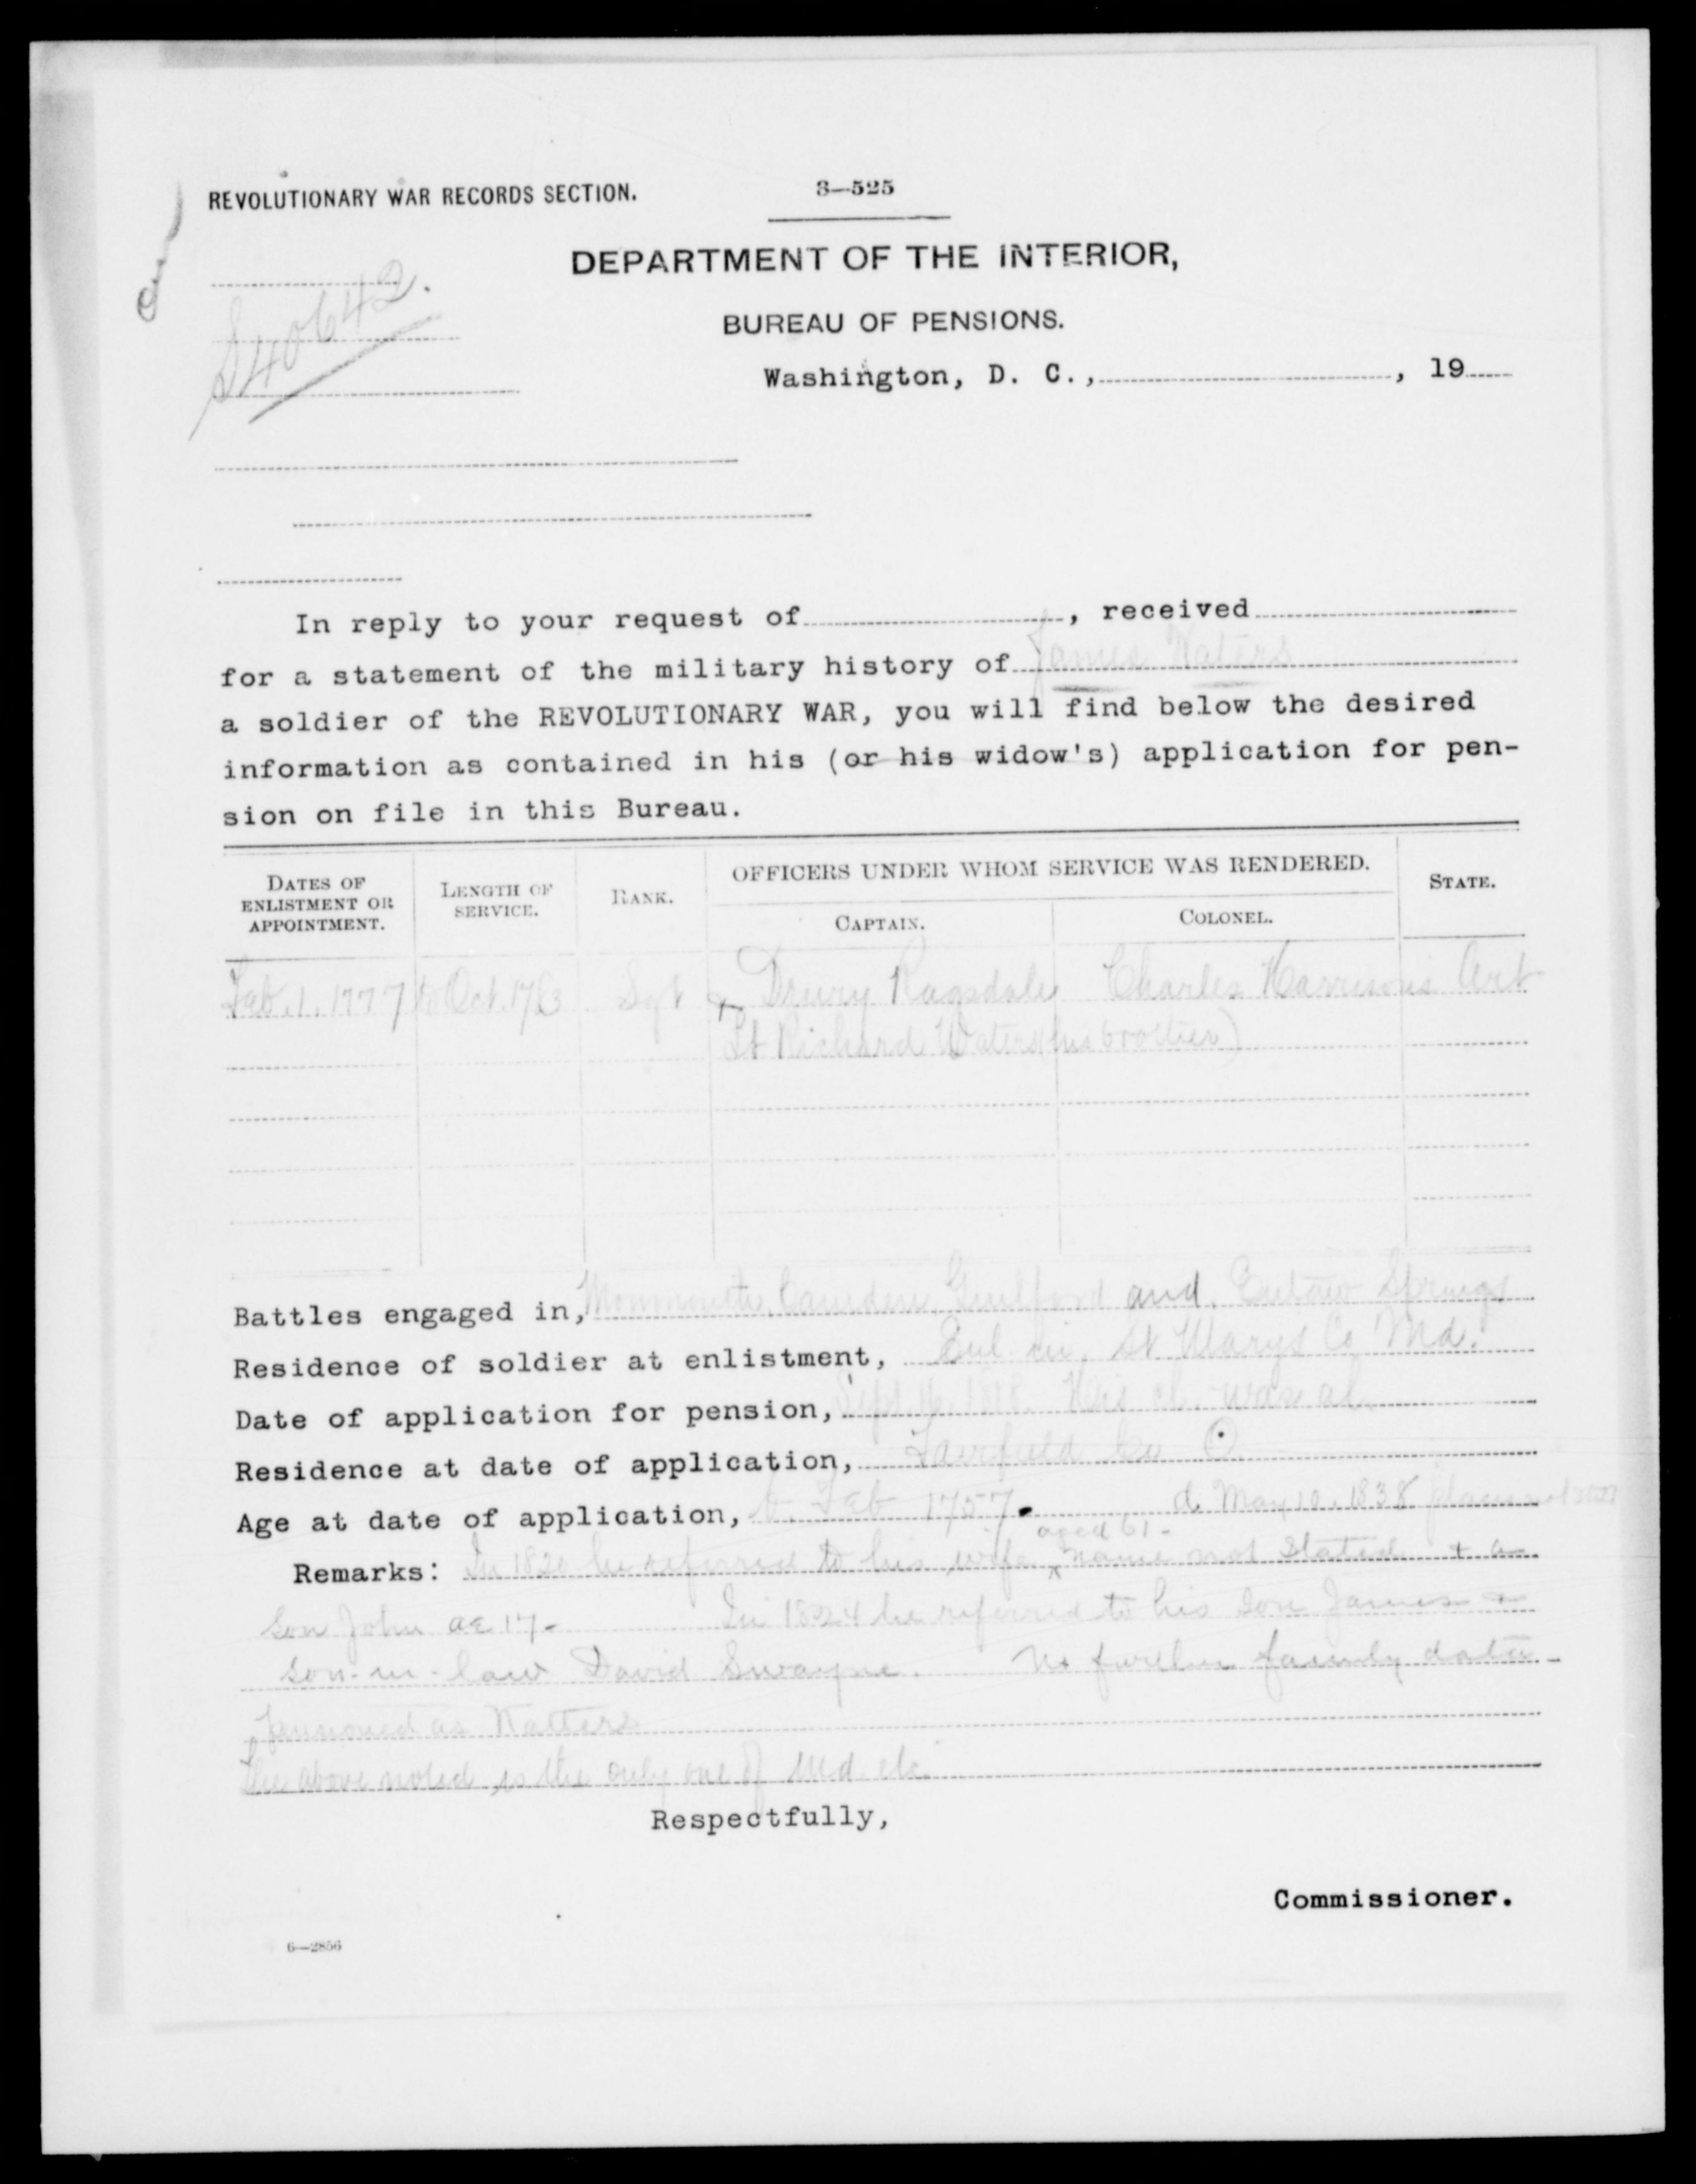REVOLUTIONARY WAR RECORDS SECTION.
our
8 - 525
DEPARTMENT OF THE INTERIOR,
BUREAU OF PENSIONS.
Washington, D. C.,  ____, 19___

In reply to your request of ___, received ____ for a statement of the military history of  James Waters  a soldier of the REVOLUTIONARY WAR, you will find below the desired
information as contained in his (or his widow's) application for pension
on file in this Bureau.

DATES OF ENLISTMENT OR APPOINTMENT.
Feb. 1. 1777

LENGTH OF SERVICE.
to Oct. 1783

RANK,
Sgt

OFFICERS UNDER WHOM SERVICE WAS RENDERED.
CAPTAIN.
Dury Ragsdale
Lt. Richard Waters (his Brother)
COLONEL.
Charles Harrisons

STATE.
Art [??]

Battles engaged in,  Monmouth, Camden, Guilford and, Eutaw Springs
Residence of soldier at enlistment, [illegible] . St Marys Co Md.
Date of application for pension,  Sept 16, 1818  This I was at
Residence at date of application,  Fairfield Co
Age at date of application,  b. Feb 1757.  d. May 10, 1838  Places [illegible]
Remarks:  In 1820 he referred to his wife aged 61 name not Stated & a Son John age 17.  In 1824 he referred to his son James & son-in-law David Swayne.  No further family data.
Pensioned as Watters
The above noted is the only one of Md etc.
Respectfully,
Commissioner.

6 - 2856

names: Charles Randale, Richard Watters, James Watters, Drury Ragsdale, David Swayne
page: 16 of 29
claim: survivor's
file: S. 40642, James Waters, Continental (Md)